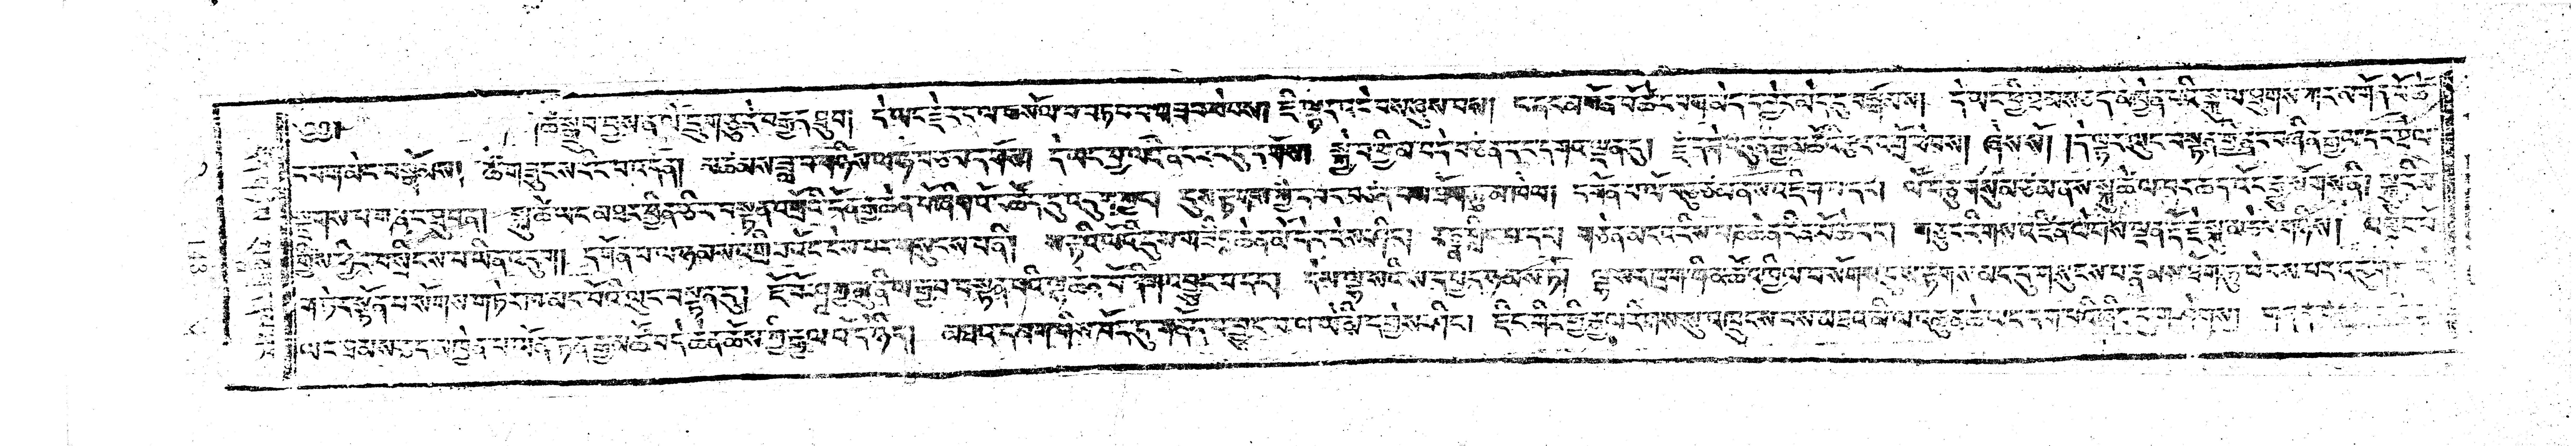༄༅། །ཚེ་སྒྲུབ་བྱས་ན་ལོ་དྲུག་ཅུ་རེ་བརྒྱད་ཐུབ༑ དེ་ཡང་རྗེ་རང་ལ་གསོལ་བ་བཏབ་པ་གཟབ་ཕེབས། ཇི་ལྟར་འདེབས་ཞུས་པས། ང་དང་མགོན་པོ་ཚེ་དཔག་མེད་དབྱེར་མེད་དུ་བསྒོམས། དེ་ཡང་ཕྱི་ཐམས་ཅད་མཁྱེན་པའི་སྐུ་ལ་ཐུགས་དཀར་མགོན་པོ་ཚེ་
དཔག་མེད་བསྒོམས། ཚེ་གཟུངས་རིར་བ་འདོན། མཚམས་ཟླ་བ་གཉིས་ལ་ཉབ་ཅམ་དགོས། དེ་ཡང་བྱ་ལའི་ནང་རང་དུ་དགོས། སྐྱེ་བ་ཕྱི་མ་བདེ་བ་ཅན་དང་དགའ་ལྡན་དུ། རྗེ་དགེ་འདུན་རྒྱ་མཚོའི་རྩར་འགྲོ་ཕེབས། ཞེས་སོ། །དེ་ལྟར་ལུང་བསྟན་གྱི་ནང་བཞིན་རྒྱལ་དང་ཐལ་
སྡྲགས་པ་གནང་ཐུབ་ན། སྐུ་ཚེ་ཡང་མཐར་ཕྱིན་ཅིང་བསྟན་འགྲོའི་དོན་རྒྱ་ཆེན་པོ་ཞིག་འོང་ཚོད་དུ་འདུག་ཀྱང་། དུས་རྟགས་ཀྱི་དབང་བཙན་པས་ཐོག་ཏུ་མ་ཁེལ། དགོན་པ་ལོ་བཅུ་ཙམ་ནས་འཇིག་པ་དང་། ལོ་བཅུ་གསུམ་ཙམ་ནས་སྐུ་ཚེ་ལ་བར་ཆད་འོང་རྒྱུ་སོགས་ནི། སྐུ་རིམ་
གྱིས་ཕྱིར་བསྲིངས་པ་ཡིན་འདུག། དགོན་པ་ལ་ཉམས་འགྲིབ་འོང་ངེས་པར་གསུངས་བ་ནི། ས་རྟའི་ལོའི་དུས་གཟིངས་ཆེན་མོ་ངེར་ངེས་ཤིང་། རཏྣ་གླིང་པ་དང་། གཅེན་མངའ་རིས་པཎ་ཆེན་རིན་པོ་ཆེ་དང་། གཅུང་རིགས་འཛིན་ལེགས་ལྡན་རྡོ་རྗེ་སྐུ་མཆེད་གཉིས། འཕྲེང་པོ་
གཏེར་སྟོན་པ་སོགས་གཏེར་ཁ་མང་པོའི་ལུང་བསྟན་དུ། ཇོ་བོ་ཤཱཀྱ་མུ་ནི་ལ་རྒྱབ་བསྟན་པའི་ལྷ་ཆེན་པོ་ཞིག་འབྱུང་བ་དང་། དེས་ལྷ་སའི་ས་དཔྱད་ཉམས་ཏེ། ལྷ་སར་ཁྲག་གི་མཚོ་འཁྱིལ་བ་སོགས་དུས་རྟགས་མང་དུ་གསུངས་པ་རྣམས་ཐོག་ཏུ་ཕེབས་པར་འདུག། དེ་
ཡང་ཐམས་ཅད་མཁྱེན་པ་ཡོན་ཏན་རྒྱ་མཚོ་བདེ་ཆེན་ཆོས་ཀྱི་རྒྱལ་བོ་དེ་ཉིད། མཐའ་དམག་གིས་བོད་དུ་གནོད་པ་བྱུང་བ་ལ་ཡེ་མི་དགྱེས་ཤིང་། ཇིང་གིར་གྱི་རྒྱལ་རིགས་སུ་འཁྲུངས་པས་མཐའ་མི་ལ་འཆུན་ཆེ་ཡང་དག་པའི་ཞིང་དུ་གཤེགས། གཞན་བསྟན་པའི་སྐུ་